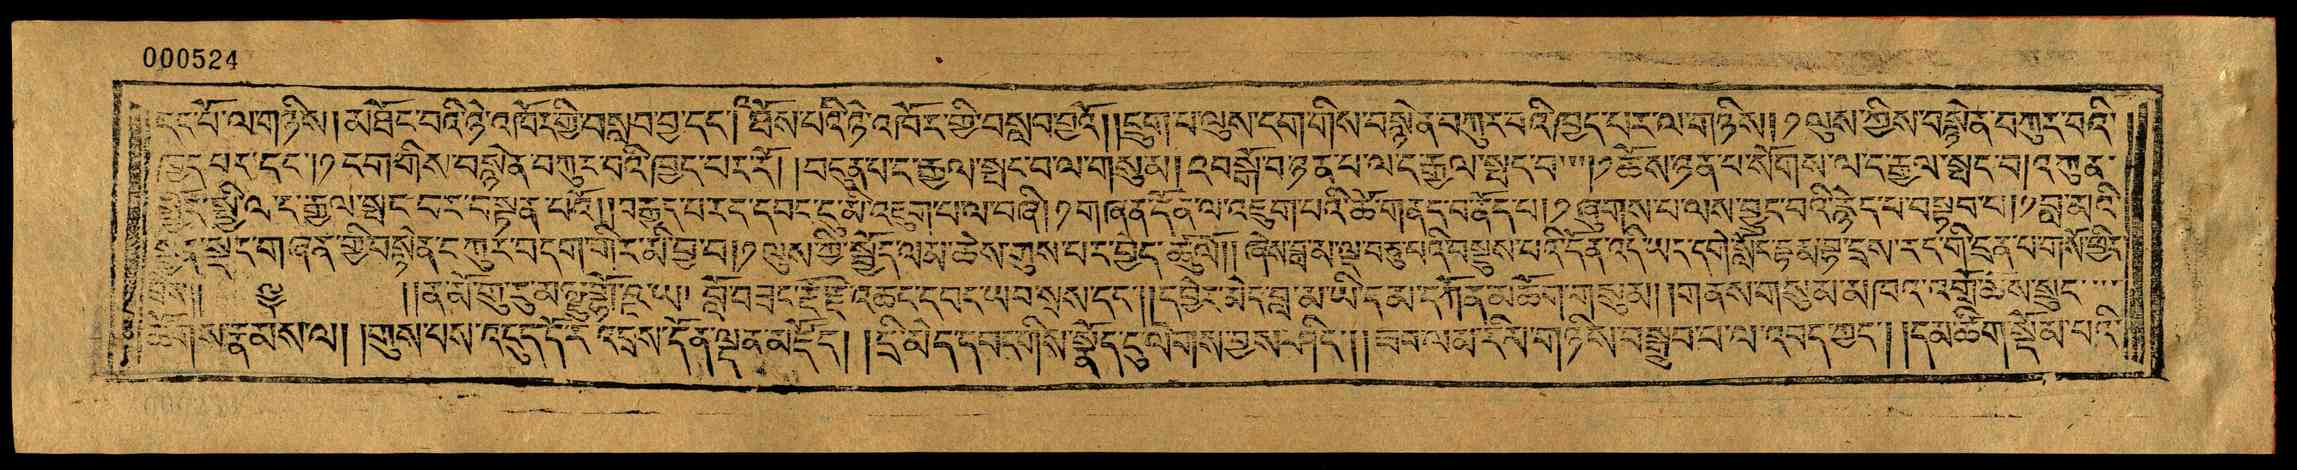དང་པོ་ལ་གཉིས། མཐོང་བའི་ཉེ་འཁོར་གྱི་བསླབ་བྱ་དང་། ༢་ཐོས་པའི་ཉེ་འཁོར་གྱི་བསླབ་བྱའོ། །དྲུག་པ་ལུས་ངག་གིས་བསྙེན་བཀུར་བའི་ཁྱད་པར་ལ་གཉིས། ༡་ལུས་ཀྱིས་བསྙེན་བཀུར་བའི་ཁྱད་པར་དང་། ༡་དག་གིས་བསྙེན་བཀུར་བའི་ཁྱད་པར་རོ། །བདུན་པ་ང་རྒྱལ་སྤང་བ་ལ་གསུམ། ༢་བསྒོ་བ་ཉན་པ་ལ་ང་རྒྱལ་སྤང་བ། ༡་ཆོས་ཉན་པ་སོགས་ལ་ང་རྒྱལ་སྤང་བ། ༢་ཀུན་
སྤྱོད་སྤྱི་ལ་ང་རྒྱལ་སྤང་བར་བསྟན་པའོ། །བརྒྱད་པ་རང་དབང་དུ་མི་འཇུག་པ་ལ་བཞི། ༡་གཞན་དོན་ལ་འཇུག་པའི་ཚེ་གནང་བ་ནོད་པ། ༡་ཞུགས་པ་ལས་བྱུང་བའི་རྙེད་པ་བསྟབ་པ། ༡་བླ་མའི་
སྤྱན་སྔར་གཞན་གྱི་བསྙེན་བཀུར་བདག་གིར་མི་བྱ་བ། ༡་ལུས་ཀྱི་སྤྱོད་ལམ་ཆེས་གུས་པར་བྱེད་ཚུལ་ལོ།། ཞེས་བླ་མ་ལྔ་བཅུ་པའི་བསྡུས་པའི་དོན་འདི་ཡང་དགེ་སློང་དྷརྨ་བྷ་དྲས་རང་གི་དྲན་པ་གསོ་ཕྱིར་
བྲིས།། ༈ །།ན་མོ་གུ་རུ་མཉྫུ་གྷོ་ཥཱ་ཡ། བློ་བཟང་རྡོ་རྗེ་འཆང་དབང་ཡབ་སྲས་དང་། །དཔེར་མེད་བླ་མ་ཡིད་མ་དཀོན་མཆོག་གསུམ། །གནས་གསུམ་མཁའ་འགྲོ་ཆོས་སྲུང་
ཚོགས་རྣམས་ལ། །གུས་པས་འདུད་དོ་རེ་འབྲས་དོན་ལྡན་མཛོད། །དྲི་མེད་དབང་གིས་སྣོད་དུ་ལེགས་བྱས་ཤིང་། །ཟབ་ལམ་རིམ་གཉིས་བསྒྲུབ་པ་ལ་འབད་ཀྱང་། །དམ་ཚིག་སྡོམ་པའི་